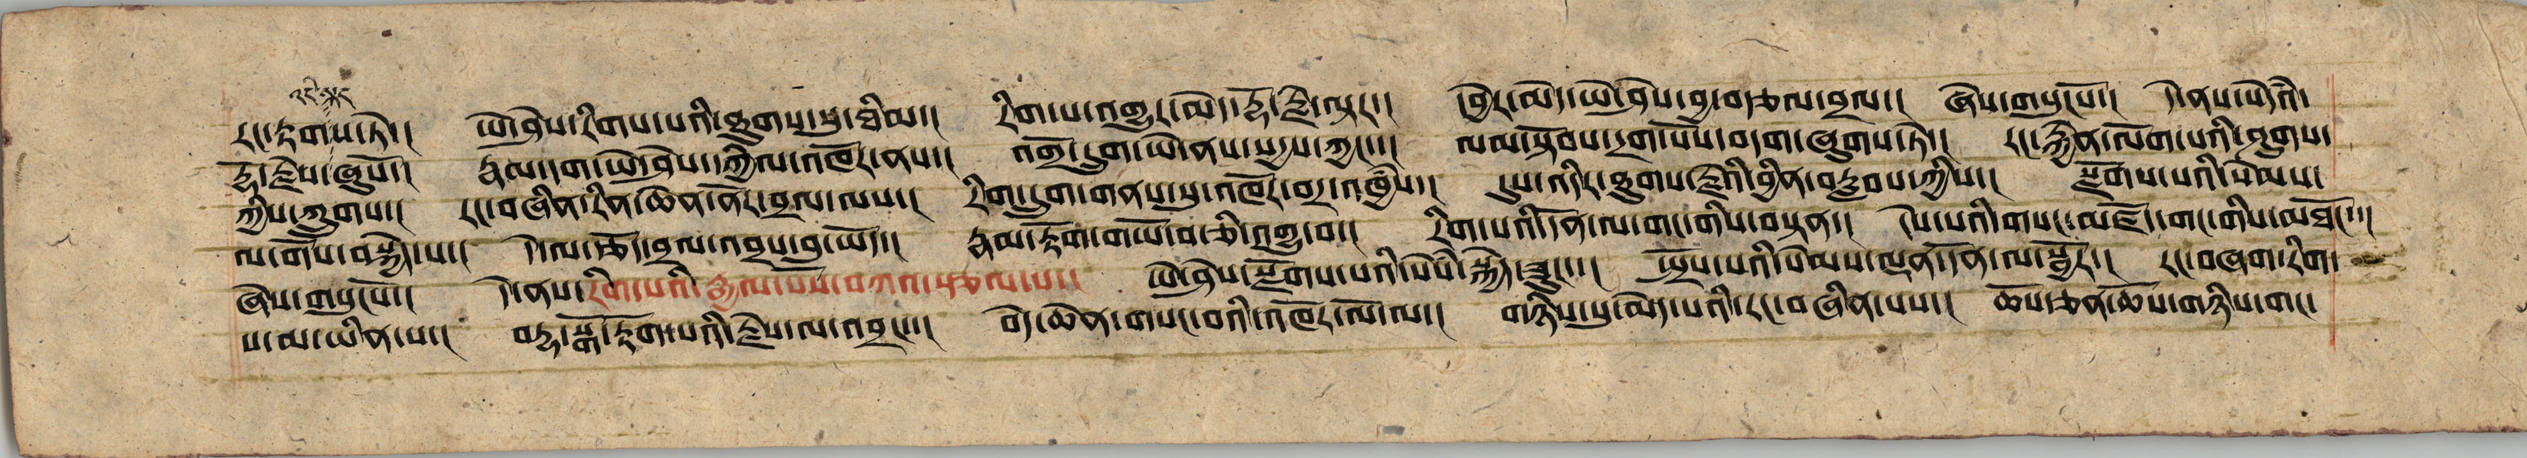རང་རྟགས་ཏེ་། ཡེ་ཤེས་རིགས་པའི་ཐུགས་སུ་ཐིམ་། རིག་པ་འགྱུར་མེད་རྡོ་རྗེ་ལྟར་། དབྱེར་མདེ་ཡེ་ཤེས་བྱ་བརྩལ་བྲལ་། ཞེས་གསུངསོ་། དེ་ནས་སེདཾའ་
རྡོ་རྗེས་ཞུསོ་། རྣམ་དག་ཡེ་ཤེས་དཀྱིལ་འཁོར་ནས་། འགྲོ་དྲུག་ཡེ་ནས་སདྱས་ཀྱང་་། ལམ་སྟོབས་དྲག་པོས་བདག་ཞུགས་ཏེ་། རང་རྐྱེན་ལོག་པའི་ཤུགས་
ཀྱིས་ཀྲུགས་། རང་བཞིན་རིན་ཆེན་ནོར་བྲལ་ལས་། རིག་དྲུག་གནས་སུ་འཁོར་བར་འཁྱཾས་། དུས་འདིར་ཐུགས་རྗེའི་བྱིན་བརླབས་ཀྱིས་། སྫོགས་པའི་སེམས་
ལ་གོས་བསྐྱེད་པ་། དེ་ལ་རྩོད་བྲལ་འབྲས་བུ་ཡོད་། རྣམ་རྟོག་གཡོ་བ་ཅི་འགྱུ་བ་། རིག་པའི་དོན་ལ་གང་གིས་བསྟན་། ངེས་པའི་གསང་མཛོད་གང་གིས་མཐོང་
ཞེས་གསུངསོ་། དེ་ནས་རིག་པའི་རྒྱལ་པོས་བཀའ་སྩལ་པ་། ཡེ་ཤེས་སྫོགས་པའི་སེསཾ་སྐྱེད་ཟུང་། སྤྲོས་པའི་སེམས་ལྡན་དོན་ལ་སྦྱོར་། རང་བཞག་རིག་
པ་མ་ཡིན་པ་། བརྡ་སྒོ་རྟོག་པའི་རྗཻས་ལ་འབྲང་། བདཻ་ཆེན་གསང་བའི་འཁོར་ལོ་ལ་། གཉིས་སུ་མེད་པའི་རང་བཞིན་པས་། ཆོས་ཅན་ཆོས་གཉིས་གང་